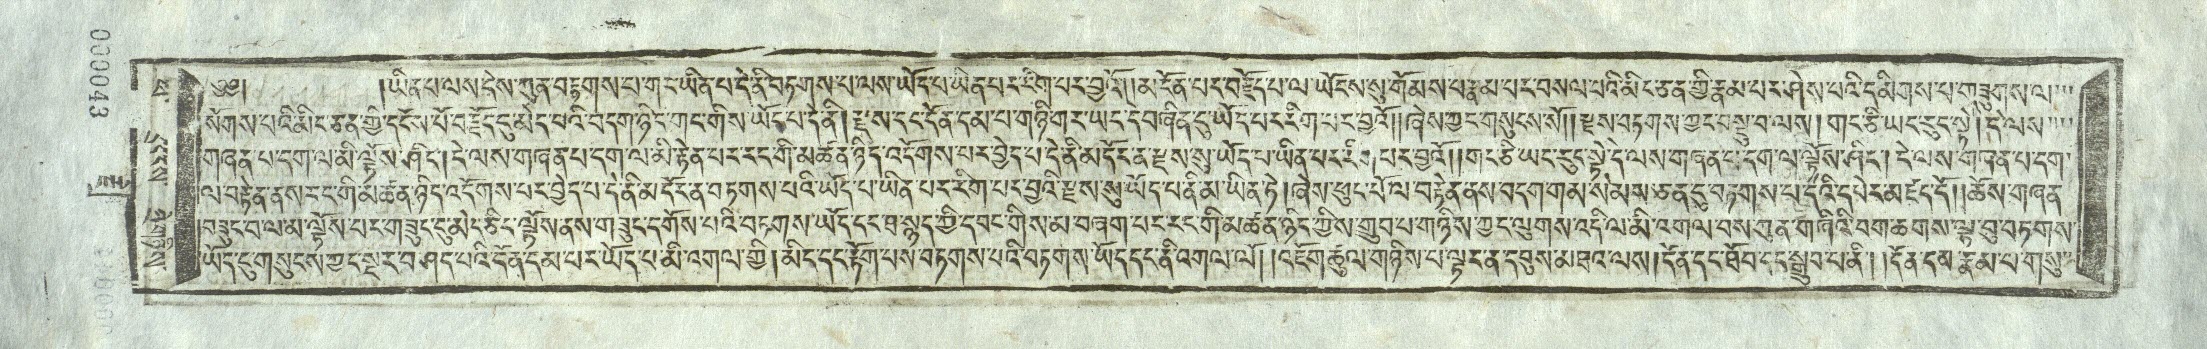༄༅། །ཡིན་པ་ལས་དེས་ཀུན་བརྟགས་པ་གང་ཡིན་པ་དེ་ནི་བཏགས་པ་ལས་ཡོད་པ་ཡིན་པར་རིག་པར་བྱའོ། །མངོན་པར་བརྗོད་པ་ལ་ཡོངས་སུ་གོམས་པ་རྣམ་པར་བསལ་བའི་མིང་ཅན་གྱི་རྣམ་པར་ཤེས་པའི་དམིགས་པ་གཟུགས་ལ་
སོགས་པའི་མིང་ཅན་གྱི་དངོས་པོ་བརྗོད་དུ་མེད་པའི་བདག་ཉིད་གང་གིས་ཡོད་པ་དེ་ནི། རྫས་དང་དོན་དམ་པ་གཉི་གར་ཡང་དེ་བཞིན་དུ་ཡོད་པར་རིག་པར་བྱའོ། །ཞེས་ཀྱང་གསུངས་སོ། །རྫས་བཏགས་ཀྱང་བསྡུ་བ་ལས། གང་ཅི་ཡང་རུང་སྟེ། དེ་ལས་
གཞན་པ་དག་ལ་མི་ལྟོས་ཤིང་། དེ་ལས་གཞན་པ་དག་ལ་མི་རྟེན་པར་རང་གི་མཚན་ཉིད་འདོགས་པར་བྱེད་པ་དེ་ནི་མདོར་ན་རྫས་སུ་ཡོད་པ་ཡིན་པར་རིག་པར་བྱའོ། །གང་ཅི་ཡང་རུང་སྟེ་དེ་ལས་གཞན་པ་དག་ལ་ལྟོས་ཤིང་། དེ་ལས་གཞན་པ་དག་
ལ་བརྟེན་ནས་རང་གི་མཚན་ཉིད་འདོགས་པར་བྱེད་པ་དེ་ནི་མདོར་ན་བཏགས་པའི་ཡོད་པ་ཡིན་པར་རིག་པར་བྱའི་རྫས་སུ་ཡོད་པ་ནི་མ་ཡིན་ཏེ། ཞེས་ཕུང་པོ་ལ་བརྟེན་ནས་བདག་གམ་སེམས་ཅན་དུ་བཏགས་པ་དེའི་དཔེར་མཛད་དོ། །ཆོས་གཞན་
བཟུང་བ་ལ་མ་ལྟོས་པར་གཟུང་དུ་མེད་ཅིང་ལྟོས་ནས་གཟུང་དགོས་པའི་བཏགས་ཡོད་དང་ཐ་སྙད་ཀྱི་དབང་གིས་མ་བཞག་པར་རང་གི་མཚན་ཉིད་ཀྱིས་གྲུབ་པ་གཉིས་ཀྱང་ལུགས་འདི་ལ་མི་འགལ་བས་ཀུན་གཞིའི་བག་ཆགས་ལྟ་བུ་བཏགས་
ཡོད་དུ་གསུངས་ཀྱང་སྔར་བཤད་པའི་དོན་དམ་པར་ཡོད་པ་མི་འགལ་གྱི། མིང་དང་རྟོག་པས་བཏགས་པའི་བཏགས་ཡོད་དང་ནི་འགལ་ལོ། །འཇོག་ཚུལ་གཉིས་པ་ལྟར་ན་དབུས་མཐའ་ལས། དོན་དང་ཐོབ་དང་སྒྲུབ་པ་ནི། །དོན་དང་རྣམ་པ་གསུམ་